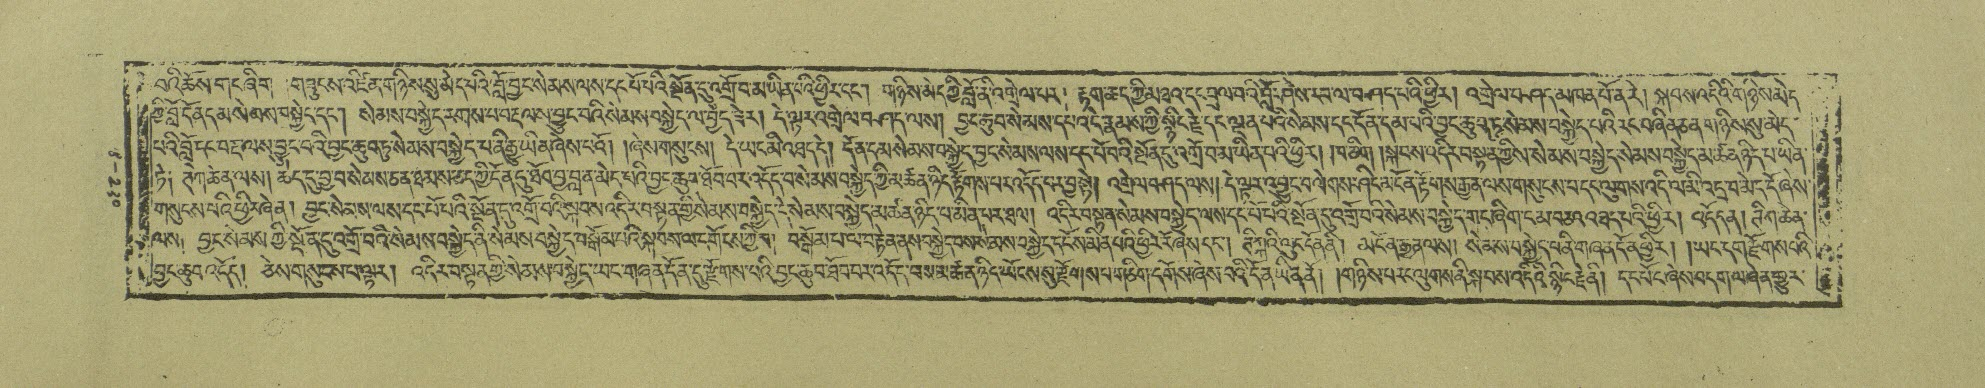བའི་ཆོས་གང་ཞིག །གཟུངས་འཛིན་གཉིས་སུ་མེད་པའི་བློ་བྱང་སེམས་ལས་དང་པོ་བའི་སྔོན་དུ་འགྲོ་བ་མ་ཡིན་པའི་ཕྱིར་དང་། གཉིས་མེད་ཀྱི་བློ་ནི་འགྲེལ་པར། རྟག་ཆད་ཀྱི་མཐའ་དང་བྲལ་བའི་བློ་ཤེས་རབ་ལ་བཤད་པའི་ཕྱིར། འགྲེལ་བཤད་མཁན་པོ་ན་རེ། སྐབས་འདིའི་གཉིས་མེད་
ཀྱི་བློ་དོན་དམ་སེམས་བསྐྱེད་དང་། སེམས་བསྐྱེད་རགས་པ་བརྡ་ལས་བྱུང་བའི་སེམས་བསྐྱེད་ལ་བྱེད་ཟེར། དེ་ལྟར་འགྲེལ་བཤད་ལས། བྱང་ཆུབ་སེམས་དཔའ་དེ་རྣམས་ཀྱི་སྙིང་རྗེ་དང་ལྡན་པའི་སེམས་དང་དོན་དམ་པའི་བྱང་ཆུབ་ཏུ་སེམས་བསྐྱེད་པའི་རང་བཞིན་ཅན་གཉིས་སུ་མེད་
པའི་བློ་དང་བརྡ་ལས་བྱུང་བའི་བྱང་ཆུབ་ཏུ་སེམས་བསྐྱེད་པ་ནི་རྒྱུ་ཡིན་ཞེས་པའོ། །ཞེས་གསུངས། དེ་ཡང་མི་འཐད་དེ། དོན་དམ་སེམས་བསྐྱེད་བྱང་སེམས་ལས་དང་པོ་བའི་སྔོན་དུ་འགྲོ་བ་མ་ཡིན་པའི་ཕྱིར། ཁ་ཅིག །སྐབས་འདིར་བསྟན་ཀྱིས་སེམས་བསྐྱེད་སེམས་བསྐྱེད་མཚན་ཉིད་པ་ཡིན་
ཏེ། ཊཱིཀ་ཆེན་ལས། ཆེད་དུ་བྱ་བ་སེམས་ཅན་ཐམས་ཅད་ཀྱི་དོན་དུ་ཐོབ་བྱ་བླ་ན་མེད་པའི་བྱང་ཆུབ་ཐོབ་པར་འདོད་པ་སེམས་བསྐྱེད་ཀྱི་མཚན་ཉིད་རྟོགས་པར་འདོད་པར་བྱ་སྟེ། འགྲེལ་བཤད་ལས། དེ་ལྟར་འབྱུང་བ་ལེགས་ཤིང་མངོན་རྟོགས་རྒྱན་ལས་གསུངས་པ་དང་ལུགས་འདི་ལ་མི་འདྲ་བ་མེད་དོ་ཞེས་
གསུངས་པའི་ཕྱིར་ཞེ་ན། བྱང་སེམས་ལས་དང་པོ་པའི་སྔོན་དུ་འགྲོ་བའི་སྐབས་འདིར་བསྟན་གྱི་སེམས་བསྐྱེད་དེ་སེམས་བསྐྱེད་མཚན་ཉིད་པ་མིན་པར་ཐལ། འདིར་བསྟན་སེམས་བསྐྱེད་ལས་དང་པོ་པའི་སྔོན་དུ་འགྲོ་བའི་སེམས་བསྐྱེད་གང་ཞིག་དམ་བཅའ་འཐད་པའི་ཕྱིར། འདོད་ན། ཊཱིཀ་ཆེན་
ལས། བྱང་སེམས་ཀྱི་སྔོན་དུ་འགྲོ་བའི་སེམས་བསྐྱེད་ནི་སེམས་བསྐྱེད་བསྒོམ་པའི་སྐབས་ལ་དགོངས་ཀྱིས། བསྒོམ་པ་ལ་བརྟེན་ནས་བསྐྱེད་པས་སེམས་བསྐྱེད་དངོས་མིན་པའི་ཕྱིར་རོ་ཞེས་དང་། ཊིཀྐའི་ལུང་དོན་ནི། མངོན་རྒྱན་ལས། སེམས་བསྐྱེད་པ་ནི་གཞན་དོན་ཕྱིར། །ཡང་དག་རྫོགས་པའི་
བྱང་ཆུབ་འདོད། ཅེས་གསུངས་པ་ལྟར། འདིར་བསྙན་གྱི་སེམས་བསྐྱེད་ཡང་གཞན་དོན་དུ་རྫོགས་པའི་བྱང་ཆུབ་ཐོབ་པར་འདོད་པས་མཚན་ཉིད་ཡོངས་སུ་རྫོགས་པ་གཅིག་དགོས་ཞེས་པའི་དོན་ཡིན་ནོ། །གཉིས་པ་རང་ལུགས་ནི་སྐབས་འདིའི་སྙིང་རྗེ་ནི། དང་པོ་ང་ཞེས་བདག་ལ་ཞེན་གྱུར་